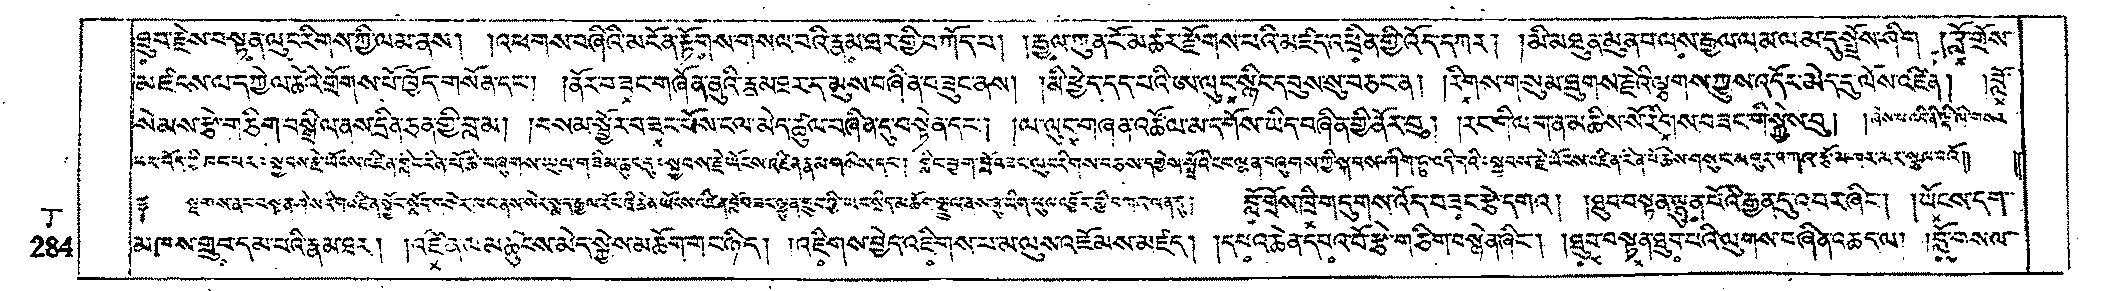ཐུབ྾་རྗེས་བསྟན྾་ལུང྾་རིགས་ཀྱི་ལམ་ནས། །འཕགས་བཞིའི་མངོན་རྟོགས྾་གསལ་བའི་རྣམ྾་ཐར་གྱི་བཀོད་པ། །རྒྱལ྾་ཀུན་ངོ་མཚར་རྫོགས་པའི་མཛད་འཕྲིན྾་གྱི་འོད་དཀར། །མི་མཐུན་མུན་པ་ལས྾་རྒྱལ་ལམ་ལམ་དུ་སྤྲོས་ཤིག །བློ྾་གྲོས་
མཛངས་ལ་དཀྱེལ་ཆེའི་གྲོགས་པོ་ཁྱོད་གསོན་དང་། །ནོར་བཟང྾་གཞོན་ནུའི་རྣམ་ཐར་དམུས་བཞིན་བཟུང་ནས། །མི་ཕྱེད་དད་པའི་ཨ་ལུང྾་སྙིང་དབུས་སུ་བཅང་ན། །རིགས྾་གསུམ་ཐུགས་རྗེའི་ལྕགས་ཀྱུས་འདོར་མེད་དུ་ལོས་འཛིན། །བློ྾་
སེམས་རྩེ་གཅིག་བསྒྲིལ་ནས་དྲིན་ཅན་གྱི་བླ་མ། །བསམ་སྦྱོར་བཟང྾་པོས་ངལ་མེད་ཚུལ་བཞིན་དུ་བསྟེན་དང་། །ལ་ལུང྾་གཞན་འཚོལ་མ་དགོས་ཡིད་བཞིན་གྱི་ནོར་བུ། །རང་གི་ལག་ན་མཆིས་སོ་རིགས྾་བཟང་གི་སྐྱེས་བུ། །ཞེས་པ་འདི་ནི་ལྡི་ལི་གསར་
པར་འོད་ཀྱི་ཁང་པར ༧སྐྱབས་རྗེ་ཡོངས་འཛིན་གླིང་རིན་པོ་ཆེ་བཞུགས་ཡུལ་གཟིམ་ཆུང་དུ ༧སྐྱབས་རྗེ་ཡོངས་འཛིན་རྣམ་གཉིས་དང་། གླིང་ཕྱག་བློ་བཟང་ལུང་རིགས་བཅས་དགྱེས་སྤྲོའི་ངང་ལྷན་བཞུགས་ཀྱི་སྐབས་ཤིག་ཏུ་འདི་གའི ༧སྐྱབས་རྗེ་ཡོངས་འཛིན་རིན་པོ་ཆེས་གསུང་མགུར་བཀའ་རྩོམ་ཤར་མར་སྩལ་བའོ།། །།
འ་སྦགས་ནང་བསྟན་ཤེས་རིག་འཛིན་སྐྱོང་སློབ་གཉེར་ཁང་ནས་སེར་སྨད་རྒྱལ་རོང་ཁྲི་ཆེན་ཡོངས་འཛིན་བློ་བཟང་ལྷུན་གྲུབ་ཀྱི་ཡང་སྲིད་མཆོག་སྤྲུལ་ནས་ཞུ་ཡིག་ཕུལ་འབྱོར་གྱི་བཀའ་ལན་དུ། བློ྾་གྲོས་ཁྲི྾་གདུགས་འོད་བཟང྾་རྩེ་དགའ། །ཐུབ་བསྟན་ལྷུན྾་པོའི་རྒྱན་དུ་འབར་ཞིང་། །ཡོངས྾་དག་་་
མཁས་གྲུབ྾་དམ་པའི་རྣམ་ཐར། །འཛིན྾་ལ་མཚུངས་མེད་སྐྱེས་མཆོག་གང་ཉིད། །འཇིགས྾་བྱེད་འཇིགས྾་པ་མ་ལུས་འཇོམས་མཛད། །དཔའ྾་ཆེན་དཔའ྾་བོ་རྩེ་གཅིག་བསྙེན་ཞིང་། །ཐུབ྾྾་བསྟན྾་ཐུབ྾་པའི་ལུགས་བཞིན་འཆད་ལ། །བློ྾྾་གསལ་་་